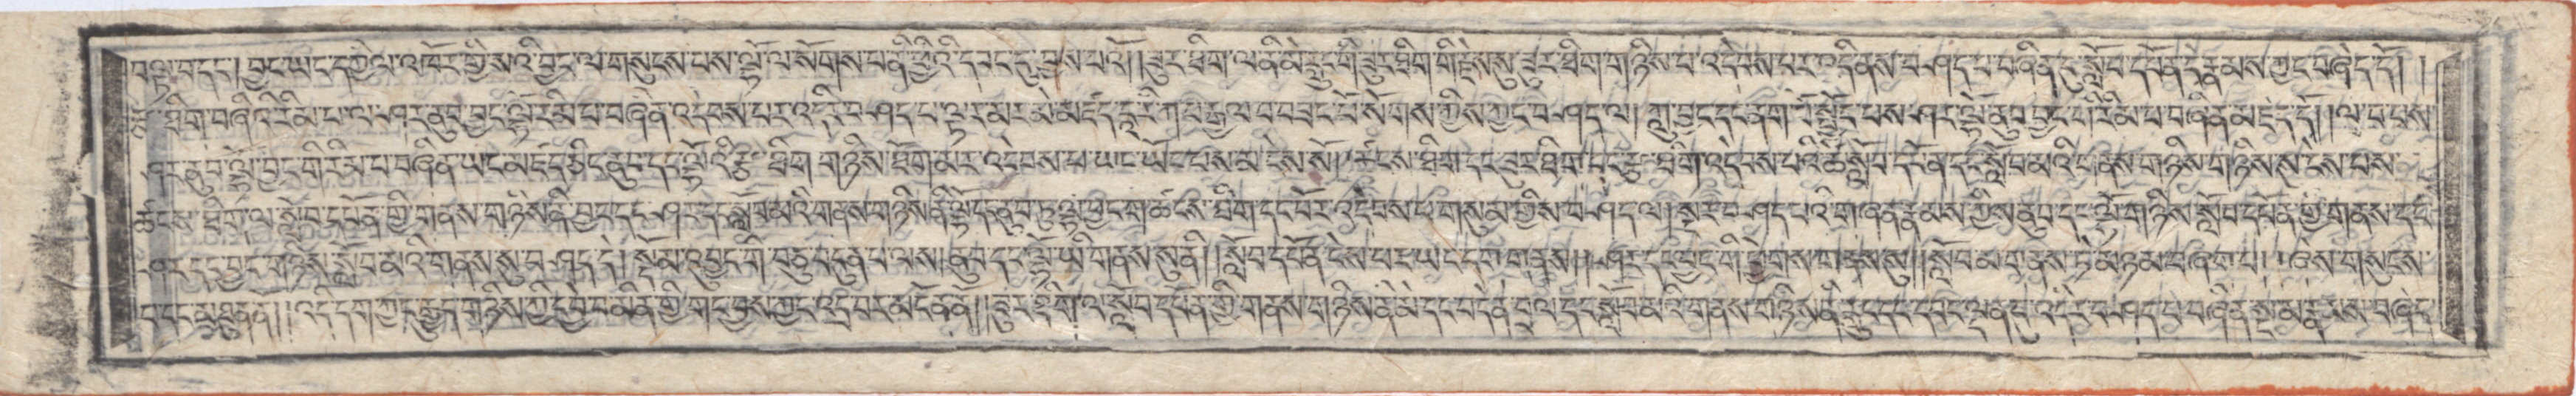བལྟ་བ་དང་། བྱང་ཡང་དཀྱིལ་འཁོར་གྱི་སའི་བྱང་ལ་གསུངས་པས་ལྷོ་ལ་སོགས་པ་ནི་ཕྱིའི་དབང་དུ་བྱས་པའོ། །ཟུར་ཐིག་ལ་ནི་མེ་རླུང་གི་ཟུར་ཐིག་གི་རྗེས་སུ་ཟུར་ཐིག་གཉིས་པ་འདེབས་པར་འདི་ནས་བཤད་པ་བཞིན་དུ་སློབ་དཔོན་དེ་རྣམས་ཀྱང་བཞེད་དོ། །
རྩ་ཐིག་བཞིའི་རིམ་པ་ལ་ཤར་ནུབ་བྱང་ལྷོ་རིམ་པ་བཞིན་འདེབས་པར་འདིར་བཤད་པ་ལྟར་མར་མེ་མཛད་དཱ་རི་ཀ་པ་རྒྱལ་བ་བཟང་པོ་སོགས་ཀྱིས་ཀྱང་བཤད་ལ། ཀླུ་བྱང་དང་ནག་པོ་སྤྱོད་པས་ཤར་ལྷོ་ནུབ་བྱང་གི་རིམ་པ་བཞིན་མཛད་དོ། །ལ་བ་པས་
ཤར་ནུབ་ལྷོ་བྱང་གི་རིམ་པ་བཞིན་ཡང་མཛད་ཅིང་ནུབ་དང་ལྷོའི་རྩ་ཐིག་གཉིས་ཐོག་མར་འདེབས་པ་ཡང་ཡོད་པས་མ་ངེས་སོ། །ཚངས་ཐིག་དང་ཟུར་ཐིག་དང་རྩ་ཐིག་འདེབས་པའི་ཚེ་སློབ་དཔོན་དང་སློབ་མའི་གནས་གཉིས་གཉིས་སུ་ངེས་པས་
ཚངས་ཐིག་ལ་སློབ་དཔོན་གྱི་གནས་གཉིས་ནི་བྱང་དང་ཤར་དང་སློབ་མའི་གནས་གཉིས་ནི་ལྷོ་དང་ནུབ་ཏུ་ལྷོ་བྱང་ག་ཚངས་ཐིག་དང་པོར་འདེབས་པ་གསུམ་གྱིས་བཤད་ལ། སྔར་བཤད་པའི་གཞན་རྣམས་ཀྱིས་ནུབ་དང་ལྷོ་གཉིས་སློབ་དཔོན་གྱི་གནས་དང་
ཤར་དང་བྱང་གཉིས་སློབ་མའི་གནས་སུ་བཤད་དེ། སྡོམ་འབྱུང་གི་བཅུ་བདུན་པ་ལས། ནུབ་དང་ལྷོ་ཡི་གནས་སུ་ནི། །སློབ་དཔོན་ངེས་པར་ཡང་དག་གནས། །ཤར་དང་བྱང་གི་ཕྱོགས་གནས་སུ། །སློབ་མ་གནས་ཏེ་མཉམ་བཞག་པ། །ཞེས་གསུངས་
པ་དང་མཐུན་ནོ། །འདི་དག་ཀྱང་རྒྱུད་གཉིས་ཀྱི་དབྱེ་བ་མིན་གྱི་གང་བྱས་ཀྱང་འདྲ་བར་མངོན་ནོ། །ཟུར་ཐིག་ལ་སློབ་དཔོན་གྱི་གནས་གཉིས་ནི་མེ་དང་བདེན་བྲལ་དང་སློབ་མའི་གནས་གཉིས་ནི་རླུང་དང་དབང་ལྡན་དུ་འདིར་བཤད་པ་བཞིན་སྔ་མ་རྣམས་བཞེད་